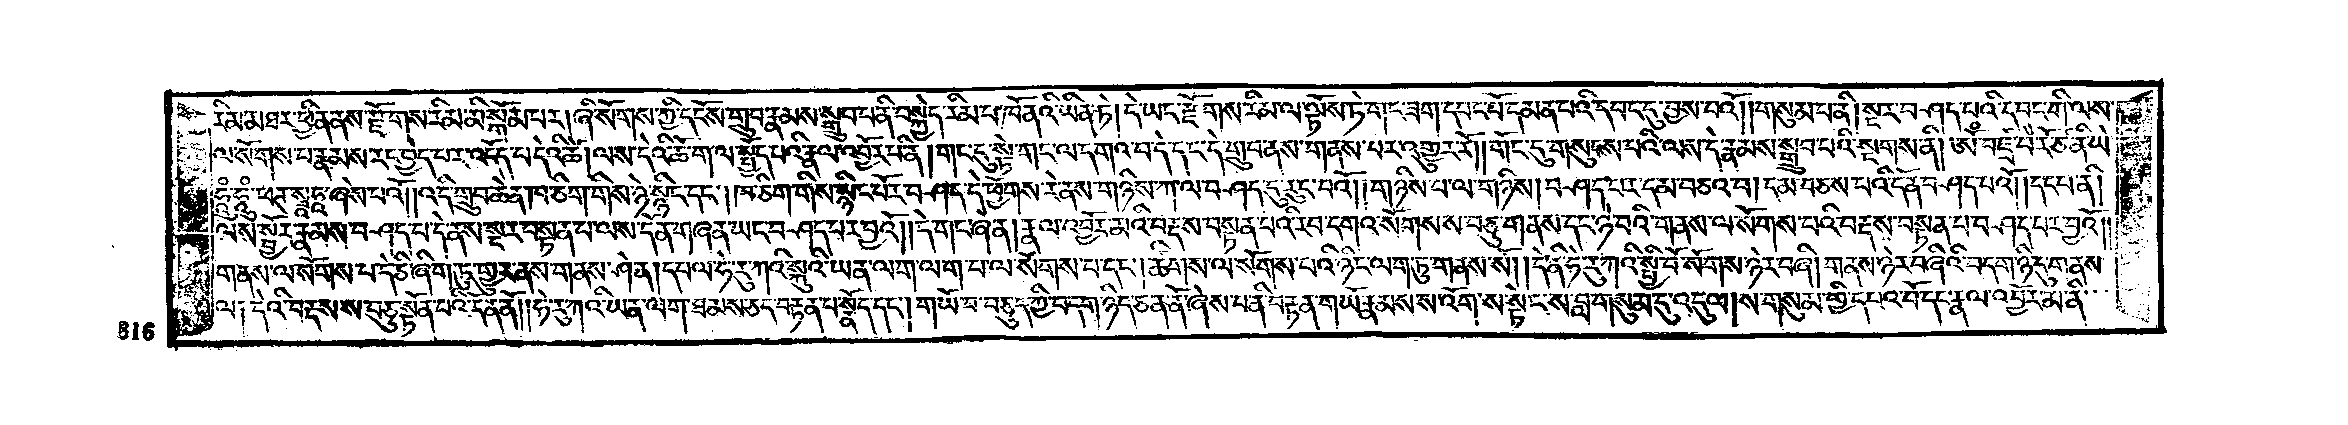རིམ་མཐར་ཕྱིན་ནས་རྫོགས་རིམ་མི་སྒོམ་པར། ཞི་སོགས་ཀྱི་དངོས་གྲུབ་རྣམས་སྒྲུབ་པ་ནི་བསྐྱེད་རིམ་པ་ཁོ་ནའི་ཡིན་ཏེ། དེ་ཡང་རྫོགས་རིམ་ལ་ལྟོས་ཏེ་གང་ཟག་དབང་པོ་དམན་པའི་དབང་དུ་བྱས་པའོ། །གསུམ་པ་ནི། སྔར་བཤད་པའི་དབང་གི་ལས་
ལ་སོགས་པ་རྣམས་རང་བྱེད་པར་འདོད་པ་དེའི་ཚེ། ལས་དེའི་ཆོ་ག་ལ་སྤྱོད་པའི་རྣལ་འབྱོར་པ་ནི། གང་དུ་སྟེ་གང་ལ་དགའ་བ་དེ་དང་དེ་གྲུབ་ནས་གནས་པར་འགྱུར་རོ། །གོང་དུ་གསུངས་པའི་ལས་དེ་རྣམས་སྒྲུབ་པའི་སྔགས་ནི། ཨོཾ་བཛྲ་བཻ་རོ་ཙ་ནི་ཡེ་
ཧཱུཾ་ཧཱུཾ་ཕཊ་སྭཱཧཱ་ཞེས་པའོ། །འདི་གྲུབ་ཆེན་ཁ་ཅིག་གིས་ཉེ་སྙིང་དང་། ཁ་ཅིག་གིས་སྙིང་པོར་བཤད་དེ་ཕྱོགས་རེ་ནས་གཉིས་ཀ་ལ་བཤད་དུ་རུང་བའོ། །གཉིས་པ་ལ་གཉིས། བཤད་པར་དམ་བཅའ་བ། དམ་བཅས་པའི་དོན་བཤད་པའོ། །དང་པོ་ནི།
ལས་སྦྱོར་རྣམས་བཤད་པ་དེ་ནས་སྔར་བསྟན་པ་ལས་དོན་གཞན་ཡང་བཤད་པར་བྱའོ། །དེ་གང་ཞེ་ན། རྣལ་འབྱོར་མའི་བརྡས་བསྟན་པའི་རབ་དགའ་སོགས་ས་བཅུ་གནས་དང་ཉེ་བའི་གནས་ལ་སོགས་པའི་བརྡས་བསྟན་པ་བཤད་པར་བྱའོ། །
གནས་ལ་སོགས་པ་དེ་ཅི་ཞིག་ཏུ་གྱུར་ནས་གནས་ཤེ་ན། དཔལ་ཧེ་རུ་ཀའི་སྐུའི་ཡན་ལག་ལག་པ་ལ་སོགས་པ་དང་། ཚིགས་ལ་སོགས་པའི་ཉིང་ལག་ཏུ་གནས་སོ། །དེ་ནི་ཧེ་རུ་ཀའི་སྤྱི་བོ་སོགས་ཉེར་བཞི། གནས་ཉེར་བཞིའི་བདག་ཉིད་དུ་གནས་
ལ། དེའི་བརྡས་ས་བཅུ་སྟོན་པའི་དོན་ནོ། །ཧེ་རུ་ཀའི་ཡན་ལག་ཐམས་ཅད་བརྟན་པ་སྣོད་དང་། གཡོ་བ་བཅུད་ཀྱི་བདག་ཉིད་ཅན་ནོ་ཞེས་པ་ནི་བརྟན་གཡོ་རྣམས་ས་འོག་ས་སྟེང་ས་བླ་གསུམ་དུ་འདུལ། ས་གསུམ་གྱི་དཔའ་བོ་དང་རྣལ་འབྱོར་མ་ནི་